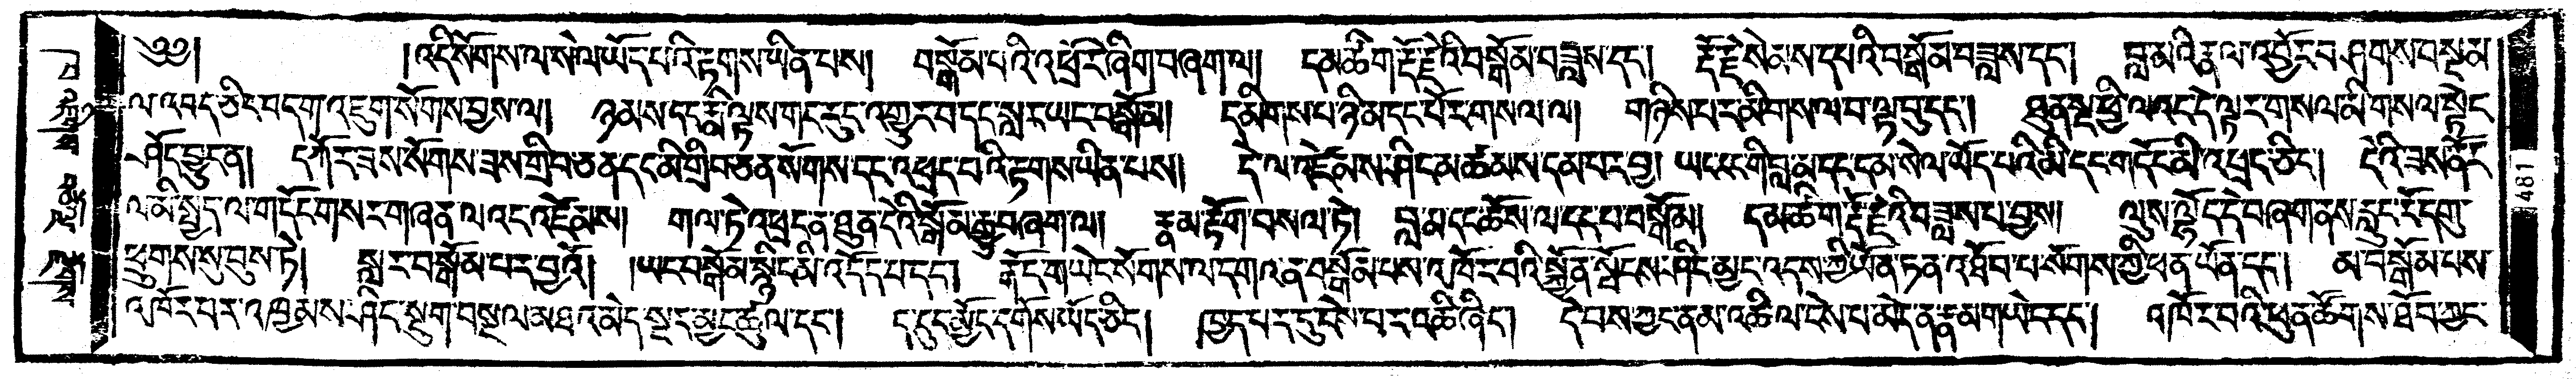༄༅། །འདི་སོགས་ལ་སེལ་ཡོད་པའི་རྟགས་ཡིན་པས། བསྒོམ་པའི་འཕྲོ་རེ་ཞིག་བཞག་ལ། དམ་ཚིག་རྡོ་རྗེའི་བསྒོམ་བཟླས་དང་། རྡོ་རྗེ་སེམས་དཔའི་བསྒོམ་བཟླས་དང་། བླ་མའི་རྣལ་འབྱོར་བཤགས་བསྔམ་
ལ་འབད་ཅིང་བདག་འཇུག་སོགས་བྱས་ལ། ཉམས་དང་རྨི་ལྟར་གང་རུང་འགྱུར་བ་དང་སླར་ཡང་བསྒོམ། དམིགས་པ་ཉི་མ་དང་པོར་གསལ་ལ། གཉིས་པར་མི་གསལ་བ་ལྟ་བུ་དང་། ཐུན་སྔ་ཕྱི་ལའང་དེ་ལྟར་གསལ་མི་གསལ་སྟེང་
ཤོད་བྱུང་ན། དཀོར་ཟས་སོགས་ཟས་གྲིབ་ཅན་དང་མི་གྲིབ་ཅན་སོགས་དང་འཕྲད་པའི་རྟགས་ཡིན་པས། དེ་ལ་འཛོམས་ཤིང་མཚམས་དམ་པར་བྱ། ཡང་རང་གི་བླ་མ་དང་དམ་སེལ་ཡོད་པའི་མི་དང་གདོང་མི་འཕྲད་ཅིང་། དེའི་ཟས་ནོར་
ལ་མི་སྤྱད་ལ་གདོང་གསར་གཞན་ལའང་འཛོམས། གལ་ཏེ་འཕྲད་ན་ཐུན་དེའི་སྒོམ་རྒྱུ་བཞག་ལ། རྣམ་རྟོག་བསལ་ཏེ། བླ་མ་དང་ཆོས་ལ་དད་པ་བསྒོམ། དམ་ཚིག་རྡོ་རྗེའི་བཟླས་པ་བྱས། ལུས་ལྷོད་དེ་བཞག་ནས་རླུང་རོ་དགུ་
ཕྲུགས་སུ་བུས་ཏེ། སླར་བསྒོམ་པར་བྱའོ། །ཡང་བསྒོམ་སྙིང་མི་འདོད་པ་དང་། རྒོད་གཡེང་སོགས་ལ་དགའ་ན་བསྒོམ་པས་འཁོར་བའི་སྐྱོན་སྤོངས་ཤིང་མྱང་འདས་ཀྱི་ཡོན་ཏན་འཐོབ་པ་སོགས་ཀྱི་ཕན་ཡོན་དང་། མ་བསྒོམ་པས་
འཁོར་པར་འཁྱམས་ཤིང་སྡུག་བསྔལ་མཐའ་མེད་སྔར་མྱང་ཚུལ་དང་། ད་དུང་མྱོང་དགོས་ཡོད་ཅིང་། ཁྱད་པར་དུ་ངེས་བར་འཆི་ཞིང་། དེ་བས་ཀྱང་ནམ་འཆི་ལ་ངེས་པ་མེད་ན་རྣམ་གཡེང་དང་། འཁོར་བའི་ཕུན་ཚོགས་ཐོབ་ཀྱང་